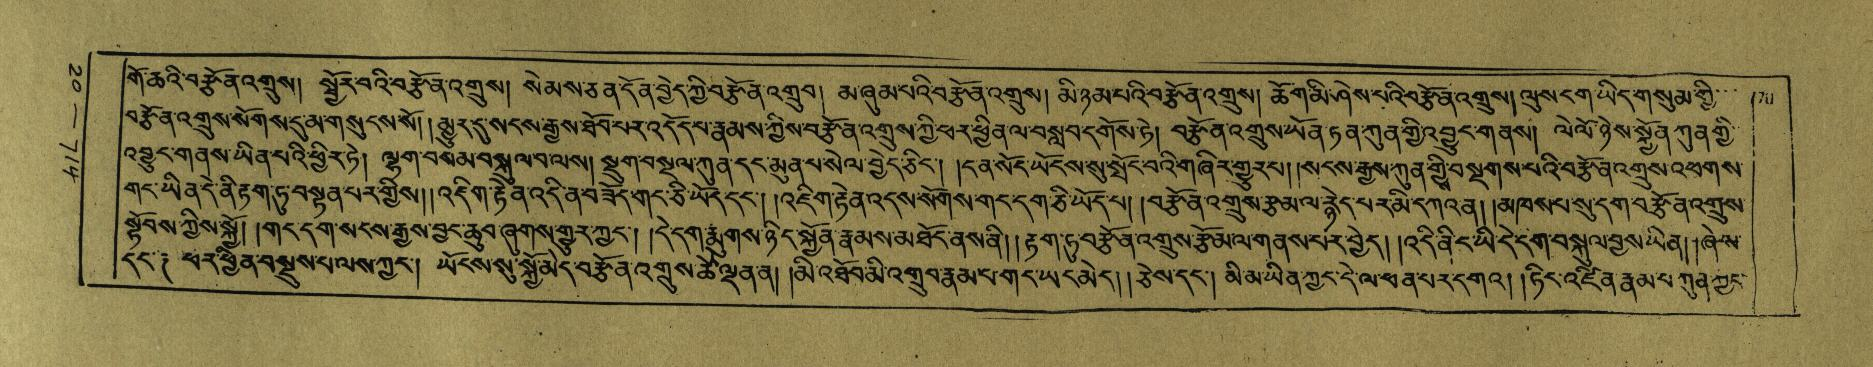གོ་ཆའི་བརྩོན་འགྲུས། སྦྱོར་བའི་བརྩོན་འགྲུས། སེམས་ཅན་དོན་བྱེད་ཀྱི་བརྩོན་འགྲུབ། མ་ཞུམ་པའི་བརྩོན་འགྲུས། མི་ཉམ་པའི་བརྩོན་འགྲུས། ཆོག་མི་ཤེས་པའི་བརྩོན་འགྲུས། ལུས་ངག་ཡིད་གསུམ་གྱི་
བརྩོན་འགྲུས་སོགས་དུ་མ་གསུངས་སོ། །མྱུར་དུ་སངས་རྒྱས་ཐོབ་པར་འདོད་པ་རྣམས་ཀྱིས་བརྩོན་འགྲུས་ཀྱི་ཕར་ཕྱིན་ལ་བསླབ་དགོས་ཏེ། བརྩོན་འགྲུས་ཡོན་ཏན་ཀུན་གྱི་འབྱུང་གནས། ལེ་ལོ་ཉེས་སྐྱོན་ཀུན་གྱི་
འབྱུང་གནས་ཡིན་པའི་ཕྱིར་ཏེ། ལྷག་བསམ་བསྐུལ་བ་ལས། སྡུག་བསྔལ་ཀུན་དང་མུན་པ་སེལ་བྱེད་ཅིང་། །ངན་སོང་ཡོངས་སུ་སྤོང་བའི་གཞིར་གྱུར་པ། །སངས་རྒྱས་ཀུན་གྱིས་བསྔགས་པའི་བརྩོན་འགྲུས་འཕགས་
གང་ཡིན་དེ་ནི་རྟག་ཏུ་བསྟན་པར་གྱིས། །འཇིག་རྟེན་འདི་ན་བཟོད་གང་ཅི་ཡོད་དང་། །འཇིག་རྟེན་འདས་སོགས་གང་དག་ཅི་ཡོད་པ། །བརྩོན་འགྲུས་རྩམ་ལ་རྙེད་པར་མི་དཀའ་ན། །མཁས་པ་སུ་དག་བརྩོན་འགྲུས་
སྟོབས་ཀྱིས་སྐྱོ། །གང་དག་སངས་རྒྱས་བྱང་ཆུབ་ཞུགས་གྱུར་ཀྱང་། །དེ་དག་རྨུགས་ཉིད་སྐྱོན་རྣམས་མཐོང་ནས་ནི། །རྟག་ཏུ་བརྩོན་འགྲུས་རྩོམ་ལ་གནས་པར་བྱེད། །འདི་ནི་ང་ཡི་དེ་དག་བསྐུལ་བྱས་ཡིན། །ཞེས་
དང༑ ཕར་ཕྱིན་བསྡུས་པ་ལས་ཀྱང་། ཡོངས་སུ་སྐྱོ་མེད་བརྩོན་འགྲུས་ཚེ་ལྡན་ན། མི་འཐོབ་མི་འགྲུབ་རྣམ་པ་གང་ཡང་མེད། །ཅེས་དང་། མི་མ་ཡིན་ཀྱང་དེ་ལ་ཕན་པར་དགའ། །ཏིང་འཛིན་རྣམ་པ་ཀུན་ཀྱང་